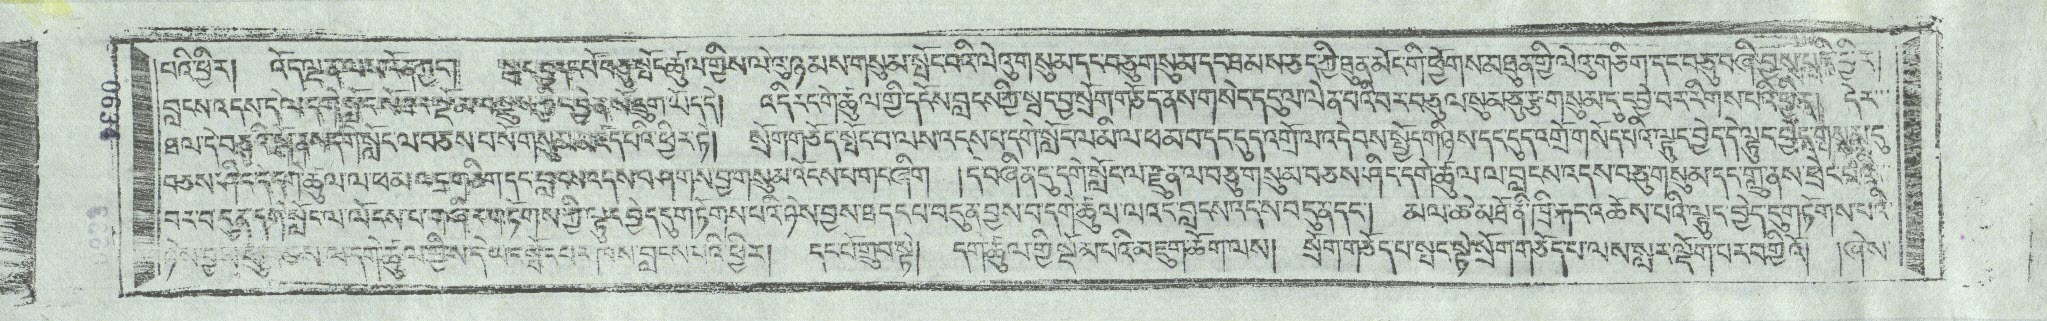པའི་ཕྱིར། འོད་ལྡན་ལས་འོན་ཀྱང་། སྤང་བྱ་དང་པོ་བཅུ་སྤོང་ཚུལ་གྱིས་ལེའུ་ཉམས་གསུམ་སྤོང་བའི་ལེའུ་གསུམ་དང་བཅུ་གསུམ་དང་ཐམས་ཅད་ཀྱི་ཐུན་མོང་གི་ཕྱོགས་མཐུན་གྱི་ལེའུ་གཅིག་དང་བཅུ་བཞི་བྱས་པའི་ཕྱིར།
བླངས་འདས་དེ་ལ་དགེ་སློང་སོ་ཐར་སྡོམ་བསྡུས་ཀྱི་དབྱེ་ན་སོ་དྲུག་ཡོད་དེ། འདིར་དགེ་ཚུལ་གྱི་དངོས་བླངས་ཀྱི་སྤང་བྱ་སྲོག་གཅོད་ནས་གསེར་དངུལ་ལེན་པའི་བར་བཅུ་ལ་སུམ་ཅུ་རྩ་གསུམ་དུ་དབྱེ་བར་རིགས་པའི་ཕྱིར། དེར་
ཐལ་དེ་བཅུའི་སྒོ་ནས་དགེ་སློང་ལ་བཅས་པ་སོ་གསུམ་མཛད་པའི་ཕྱིར་ཏེ། སྲོག་གཅོད་སྤོང་བ་ལས་འདས་པ་དགེ་སློང་ལ་མི་ལ་ཕམ་པ་དང་དུད་འགྲོ་ལ་འདེབས་སྤྱོད་གཉིས་དང་དུད་འགྲོ་གསོད་པའི་ལྟུང་བྱེད་དེ་ལྟུང་བྱེད་གསུམ་དུ་
བཅས་ཤིང་དེ་དགེ་ཚུལ་ལ་ཕམ་འདྲ་གཅིག་དང་བླངས་འདས་བཤགས་བྱ་གསུམ་འོངས་པ་གང་ཞིག །དེ་བཞིན་དུ་དགེ་སློང་ལ་རྫུན་ལ་བཅུ་གསུམ་བཅས་ཤིང་དགེ་ཚུལ་ལ་བླངས་འདས་བཅུ་གསུམ་དང་གླུ་ནས་ཕྲེང་པའི་
བར་བདུན་དགེ་སློང་ལ་ལོངས་པ་གཞིར་གཏོགས་ཀྱི་ལྟུང་བྱེད་དུ་གཏོགས་པའི་ཉེས་བྱས་ཐ་དད་པ་བདུན་བྱས་བ་དགེ་ཚུལ་ལའང་བླངས་འདས་བདུན་དང་། མལ་ཆེ་མཐོ་ནི་ཁྲི་རྐང་འཆོས་པའི་ལྟུང་བྱེད་དུ་གཏོགས་པའི་
ཉེས་བྱས་སུ་བཅས་ལ་དགེ་ཚུལ་གྱིས་དེ་ཡང་སྤོང་པར་ཁས་བླངས་པའི་ཕྱིར། དང་པོ་གྲུབ་སྟེ། དགེ་ཚུལ་གྱི་སྡོམ་པའི་མཇུག་ཆོག་ལས། སྲོག་གཅོད་པ་སྤང་སྟེ་སྲོག་གཅོད་པ་ལས་སླར་ལྡོག་པར་བགྱིའོ། །ཞེས་